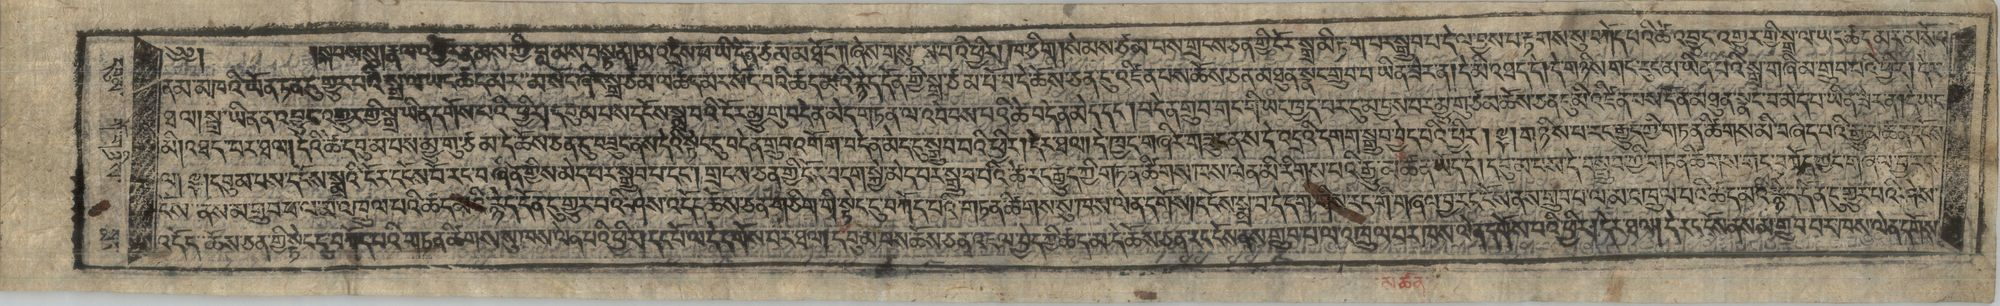༄༅། །སྐབས་སུ། རྣལ་འབྱོར་རྣམས་ཀྱི་བླ་མས་བསྟན། །མ་འདྲེས་པ་ཡི་དོན་ཙམ་མཐོང་། །ཞེས་གསུངས་པའི་ཕྱིར། ཁ་ཅིག །སེམས་ཙམ་པས་གྲངས་ཅན་གྱི་ངོར་སྒྲ་མི་རྟག་པར་སྒྲུབ་པ་དེ་ལ་བྱས་པ་རྟགས་སུ་བཀོད་པའི་ཚེ་འབྱུང་འགྱུར་གྱི་སྒྲ་ལ་ཡང་ཚད་མར་མ་སོང་།
ནམ་མཁའི་ཡོན་ཏན་དུ་གྱུར་བའི་སྒྲ་ལ་ཡང་ཚད་མར་མ་སོང་ཞིང་སྒྲ་ཙམ་ལ་ཚད་མར་སོང་བའི་ཚད་མའི་རྙེད་དོན་གྱི་སྒྲ་ཙམ་པོ་བ་དེ་ཆོས་ཅན་དུ་འཛིན་པས་ཆོས་ཅན་མཐུན་སྣང་གྲུབ་པ་ཡིན་ཟེར་ན། དེ་མི་འཐད་དེ། དེ་གཉིས་གང་རུང་མ་ཡིན་པའི་སྒྲ་གཞི་མ་གྲུབ་པའི་ཕྱིར། དེར་
ཐལ། སྒྲ་ཡིན་ན་འབྱུང་འགྱུར་གྱི་སྒྲ་ཡིན་དགོས་པའི་ཕྱིར། དབུ་མ་བས་དངོས་སྨྲ་བའི་ངོར་མྱུ་གུ་བདེན་མེད་གཏན་ལ་འབེབས་པའི་ཚེ་བདེན་མེད་དང་། བདེན་གྲུབ་གང་གི་ཡང་ཁྱད་བར་དུ་མ་བྱས་པར་མྱུ་གུ་ཙམ་ཆོས་ཅན་དུ་མི་འཛིན་པས་དོན་མཐུན་སྣང་བ་མེད་པ་ཡིན་ཟེར་ན། དེ་ཡང་
མི། འཐད་པར་ཐལ། དེའི་ཚེ་དབུ་མ་པས་མྱུ་གུ་ཙམ་དེ་ཆོས་ཅན་དུ་བཟུང་ནས་དེའི་སྟེང་དུ་བདེན་གྲུབ་འགོག་བདེན་མེད་དུ་སྒྲུབ་པའི་ཕྱིར། དེར་ཐལ། དེ་ཁྱད་གཞིར་གཟུང་ནས་དེ་འདྲའི་དགག་སྒྲུབ་བྱེད་པའི་ཕྱིར། ༈ །གཉིས་པ་རང་རྒྱུད་ཀྱི་གཏན་ཚིགས་མི་བཞེད་པའི་རྒྱུ་མཚན་དངོས་
ལ། ༈ །དབུ་མ་པས་དངོས་སྨྲའི་ངོར་དངོས་པོ་རང་བཞིན་གྱིས་མེད་པར་སྒྲུབ་པ་དང་། གྲངས་ཅན་གྱི་ངོར་བདག་སྐྱེ་མེད་པར་སྒྲུབ་པའི་ཚེ་རང་རྒྱུད་ཀྱི་གཏན་ཚིགས་ཁས་ལེན་མི་རིགས་པའི་རྒྱུ་མཚན་ཡོད་དེ། དབུ་མ་པས་དེ་བསྒྲུབ་ཀྱི་གཏན་ཚིགས་གང་བཀོད་ཀྱང་གཞལ་བྱ་རང་
ངོས་ནས་མ་གྲུབ་པ་ལ་མ་འཁྲུལ་པའི་ཚད་མའི་རྙེད་དོན་དུ་གྱུར་པའི་ཤེས་འདོད་ཆོས་ཅན་གཅིག་གི་སྟེང་དུ་བཀོད་པའི་གཏན་ཚིགས་སུ་ཁས་ལེན་དགོས། དངོས་སྨྲ་བ་དེ་དག་གིས་རང་གི་གཞལ་བྱ་རང་ངོས་ནས་གྲུབ་པ་ལ་མ་འཁྲུལ་པའི་ཚད་མའི་རྙེད་དོན་དུ་གྱུར་པའི་ཤེས་
འདོད་ཆོས་ཅན་གྱི་སྟེང་དུ་བཀོད་པའི་གཏན་ཚིགས་སུ་ཁས་ལེན་པའི་ཕྱིར། དང་པོ་ལ་དེ་དགོས་པར་ཐལ། དབུ་མ་པས་ཆོས་ཅན་འཇལ་བྱེད་ཀྱི་ཚད་མ་དེ་ཆོས་ཅན་རང་ངོས་ནས་གྲུབ་པ་ལ་འཁྲུལ་པར་ཁས་ལེན་དགོས་པའི་ཕྱིར། དེར་ཐལ། དེ་རང་ངོས་ནས་མ་གྲུབ་པར་ཁས་ལེན་དགོས་